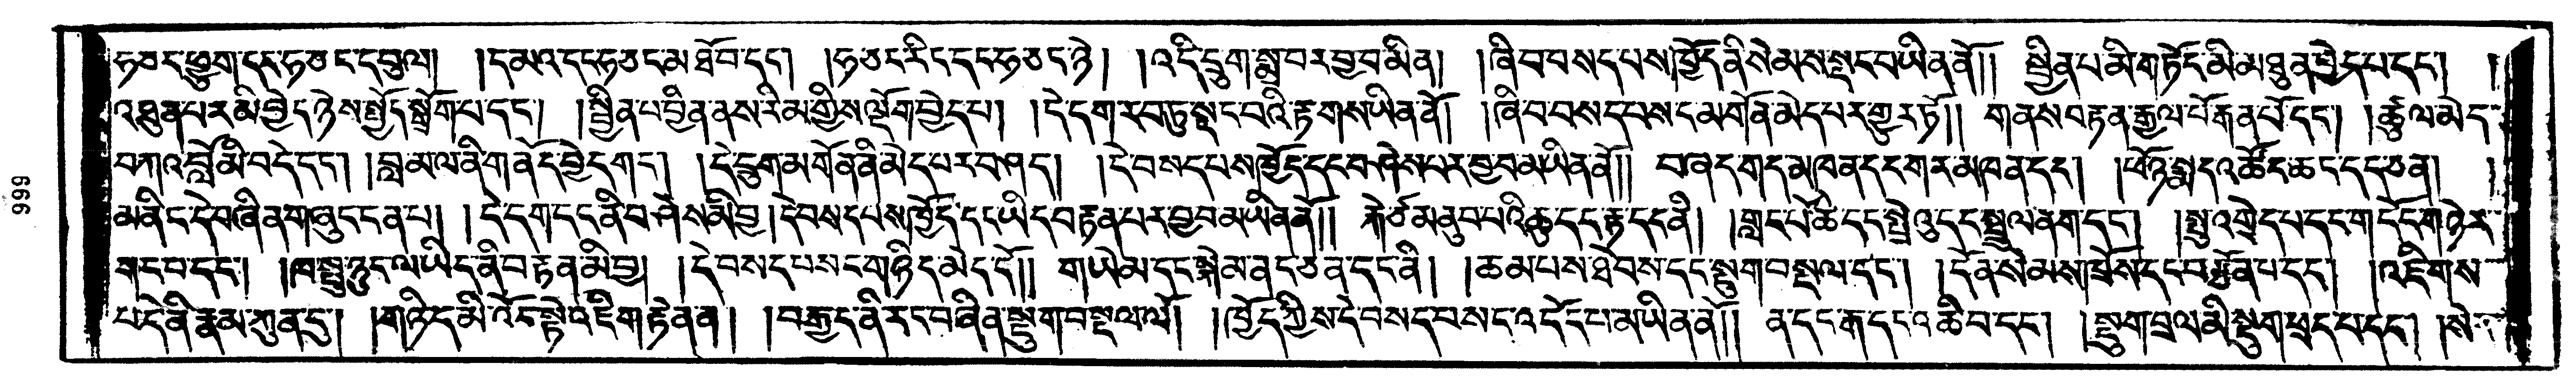ཧ་ཅང་ཕྱུག་དང་ཧ་ཅང་དབུལ། །དམའ་དང་ཧ་ཅང་མ་ཐོབ་དང་། །ཧ་ཅང་རིང་དང་ཧ་ཅང་ཉེ། །འདི་དྲུག་སྨྲ་བར་བྱ་བ་མིན། །ཞི་བ་བསད་པས་ཁྱོད་ནི་སེམས་སྡང་བ་ཡིན་ནོ།། སྦྱིན་པ་མི་གཏོང་མི་མཐུན་བྱེད་པ་དང་། །
འཐུན་པར་མི་བྱེད་ཉེས་སྤྱོད་སྒྲོག་པ་དང་། །སྦྱིན་པ་བྱིན་ནས་རིམ་གྱིས་ལྡོག་བྱེད་པ། །དེ་དག་རབ་ཏུ་སྡང་བའི་རྟགས་ཡིན་ནོ། །ཞི་བ་བསད་པས་ང་མགོན་མེད་པར་གྱུར་ཏོ།། གནས་བརྟན་རྒྱལ་པོ་རྒན་པོ་དང་། །ཚུལ་མེད་
བཀའ་བློ་མུ་བདེ་བ་དང་། །བླ་མ་ལ་ནི་གནོད་བྱེད་གང་། །དེ་དྲུག་མགོན་ནི་མེད་པར་བཤད། །དེ་བསད་པས་ཁྱོད་དང་བཤེས་པར་བྱ་བ་མ་ཡིན་ནོ།། བཞད་གད་མཁན་དང་གར་མཁན་དང་། །ཕོ་ཉ་སྨད་འཚོང་ཆང་དད་ཅན། །
མ་ནིང་དེ་བཞིན་གཞུང་ངན་པ། །དེ་དག་དང་ནི་བཤེས་མི་བྱ་།དེ་བསད་པས་ཁྱོད་དང་ཡིད་བརྟན་པར་བྱ་བ་མ་ཡིན་ནོ།། རྐེ་ཙམ་ནུབ་པའི་ཆུ་དང་རྟ་དང་ནི། །གླང་པོ་ཆེ་དང་སྤྲེའུ་དང་སྦྲུལ་ནག་དང་། །སྤུ་འགྲེད་པ་དང་གདོང་གཉེར་
གང་བ་དང་། །ཁ་སྤུ་ཉུང་ལ་ཡིད་ནི་བརྟན་མི་བྱ། །དེ་བསད་པས་ང་གཉིད་མེད་དོ།། གཡེམ་དང་སྐེམ་ནང་ཅན་དང་ནི། །ཆམ་པས་ཐེབས་དང་སྡུག་བསྔལ་དང་། །དོན་སེམས་ཁྲོས་དང་བརྩོན་པ་དང་། །འཇིགས་
པ་དེ་ནི་རྣམ་ཀུན་དུ། །གཉིད་མི་འོང་སྟེ་འཇིག་རྟེན་ན། །བརྒྱད་ནི་རང་བཞིན་སྡུག་བསྔལ་ལོ། །ཁྱོད་ཀྱིས་དེ་བསད་བསད་འདོད་པ་མ་ཡིན་ནོ།། ན་དང་རྒ་དང་འཆི་བ་དང་། །སྡུག་བྲལ་མི་སྡུག་ཕྲད་པ་དང་། །སེར་